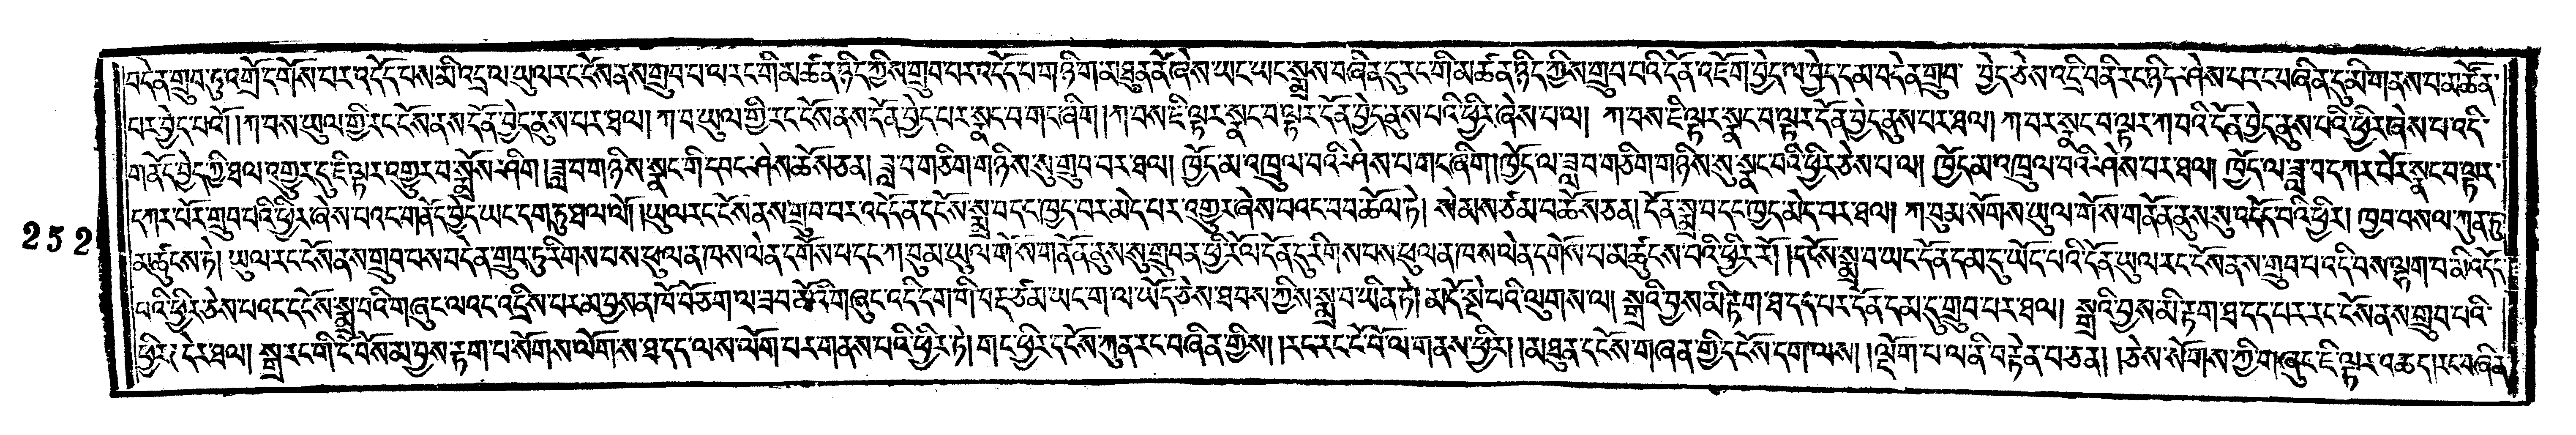བདེན་གྲུབ་ཏུ་འགྲོ་དགོས་བར་འདོད་བས་མི་འདྲ་ལ་ཡུལ་རང་ངོས་ནས་གྲུབ་པ་ལ་རང་གི་མཚན་ཉིད་ཀྱིས་གྲུབ་པར་འདོད་པ་གཉིག་མཐུན་ནོ་ཞེས་ཡང་ཡང་སྨྲས་བཞིན་དུ་རང་གི་མཚན་ཉིད་ཀྱིས་གྲུབ་པའི་དོན་འཇོག་བྱེད་ལ་བྱེད་དམ་བདེན་གྲུབ་བྱེད་ཅེས་འདྲི་བ་ནི་རང་ཉིད་ཤེས་པ་རང་བཞིན་དུ་མི་གནས་བ་མཚོན་
བར་བྱེད་བའོ། །ཀབས་ཡུལ་གྱི་རང་ངོས་ནས་དོན་བྱེད་ནུས་པར་ཐལ། ཀ་བ་ཡུལ་གྱི་རང་ངོས་ནས་དོན་བྱེད་པར་སྣང་བ་གང་ཞིག། ཀ་བས་ཇི་ལྟར་སྣང་བ་ལྟར་དོན་བྱེད་ནུས་པའི་ཕྱིར་ཞེས་པ་ལ། ཀ་བས་ཇི་ལྟར་སྣང་བ་ལྟར་ཀ་བའི་དོན་བྱེད་ནུས་པའི་ཕྱིར་ཞེས་པ་འདི་
གནོད་བྱེད་ཀྱི་ཐལ་འགྱུར་དུ་ཇི་ལྟར་འགྱུར་བ་སྨྲོས་ཤིག། ཟླ་བ་གཉིས་སྣང་གི་དབང་ཤེས་ཆོས་ཅན། ཟླ་བ་གཅིག་གཉིས་སུ་གྲུབ་པར་ཐལ། ཁྱོད་མ་འཁྲུལ་བའི་ཤེས་པ་གང་ཞིག། ཁྱོད་ལ་ཟླ་བ་གཅིག་གཉིས་སུ་སྣང་བའི་ཕྱིར་ཅེས་པ་ལ། ཁྱོད་མ་འཁྲུལ་བའི་ཤེས་པར་ཐལ། ཁྱོད་ལ་ཟླ་བ་དཀར་བོར་སྣང་བ་ལྟར་
དཀར་པོར་གྲུབ་པའི་ཕྱིར་ཞེས་བའང་གནོད་བྱེད་ཡང་དག་ཏུ་ཐལ་ལོ། །ཡུལ་རང་ངོས་ནས་གྲུབ་པར་འདོད་དངོས་སྨྲ་བ་དང་ཁྱད་བར་མེད་པར་འགྱུར་ཞེས་པའང་བབ་ཆོལ་ཏེ། སེམས་ཙམ་བ་ཆོས་ཅན། དོན་སྨྲ་བ་དང་ཁྱད་མེད་པར་ཐལ། ཀ་བུམ་སོགས་ཡུལ་གོས་གནོན་ནུས་སུ་འདོད་བའི་ཕྱིར། ཁྱབ་བསལ་ཀུན་ཏུ་
མཚུངས་ཏེ། ཡུལ་རང་ངོས་ནས་གྲུབ་པས་བདེན་གྲུབ་ཏུ་རིགས་བས་ཕུལ་ན་ཁས་ལེན་དགོས་པ་དང་ཀ་བུམ་ཡུལ་གོ་ས་གནོན་ནུས་སུ་གྲུབ་ན་ཕྱི་རོལ་དོན་དུ་རིགས་བས་ཕུལ་ན་ཁས་ལེན་དགོས་པ་མཚུངས་བའི་ཕྱིར་རོ། །དངོས་སྨྲ་བ་ཡང་དོན་དམ་དུ་ཡོད་པའི་དོན་ཡུལ་རང་ངོས་ནས་གྲུབ་བ་འདི་བས་ལྷག་བ་མི་འདོད་
བའི་ཕྱིར་ཅེས་པའང་དངོས་སྨྲ་བའི་གཞུང་ལའང་འདྲིས་བར་མ་བྱས་ན་ཁོ་བོ་ཅག་ལ་ཟབ་མོའི་གཞུང་འདི་དག་གི་བརྡ་ཙམ་ཡང་ག་ལ་ཡོད་ཅེས་ཐབས་ཀྱིས་སྨྲ་བ་ཡིན་ཏེ། མདོ་སྡེ་བའི་ལུགས་ལ། སྒྲའི་བྱས་མི་རྟག་ཐ་དད་པར་དོན་དམ་དུ་གྲུབ་པར་ཐལ། སྒྲའི་བྱས་མི་རྟག་ཐ་དད་པར་རང་ངོས་ནས་གྲུབ་པའི་
ཕྱིར༑ དེར་ཐལ། སྒྲ་རང་གི་ངོ་བོས་མ་བྱས་རྟག་བ་སོགས་ལོགས་ཐ་དད་ལས་ལོགས་པར་གནས་པའི་ཕྱིར་ཏེ། གང་ཕྱིར་དངོས་ཀུན་རང་བཞིན་གྱིས། །རང་རང་ངོ་བོ་ལ་གནས་ཕྱིར། །མཐུན་དངོས་གཞན་གྱི་དངོས་དག་ལས། །ལྡོག་པ་ལ་ནི་བརྟེན་བ་ཅན། །ཅེས་སོགས་ཀྱི་གཞུང་ཇི་ལྟར་འཆད། རང་བཞིན་